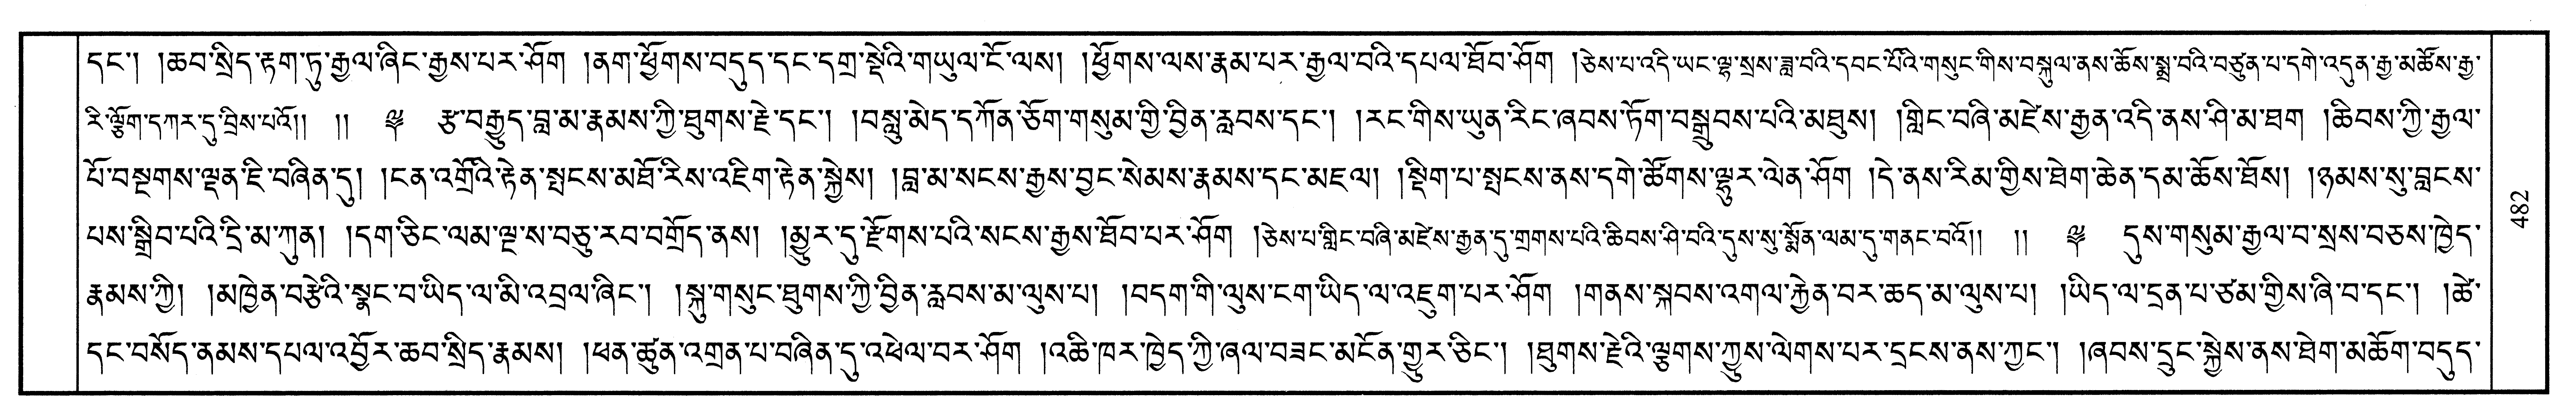དང་། །ཆབ་སྲིད་རྟག་ཏུ་རྒྱལ་ཞིང་རྒྱས་པར་ཤོག །ནག་ཕྱོགས་བདུད་དང་དགྲ་སྡེའི་གཡུལ་ངོ་ལས། །ཕྱོགས་ལས་རྣམ་པར་རྒྱལ་བའི་དཔལ་ཐོབ་ཤོག །ཅེས་པ་འདི་ཡང་ལྷ་སྲས་ཟླ་བའི་དབང་པོའི་གསུང་གིས་བསྐུལ་ནས་ཆོས་སྨྲ་བའི་བཙུན་པ་དགེ་འདུན་རྒྱ་མཚོས་རྒྱ་
རི་ལྕོག་དཀར་དུ་བྲིས་པའོ།། །། ༈ རྩ་བརྒྱུད་བླ་མ་རྣམས་ཀྱི་ཐུགས་རྗེ་དང་། །བསླུ་མེད་དཀོན་ཅོག་གསུམ་གྱི་བྱིན་རླབས་དང་། །རང་གིས་ཡུན་རིང་ཞབས་ཏོག་བསྒྲུབས་པའི་མཐུས། །གླིང་བཞི་མཛེས་རྒྱན་འདི་ནས་ཤི་མ་ཐག །ཆིབས་ཀྱི་རྒྱལ་
པོ་བསྔགས་ལྡན་ཇི་བཞིན་དུ། །ངན་འགྲོའི་རྟེན་སྤངས་མཐོ་རིས་འཇིག་རྟེན་སྐྱེས། །བླ་མ་སངས་རྒྱས་བྱང་སེམས་རྣམས་དང་མཇལ། །སྡིག་པ་སྤངས་ནས་དགེ་ཚོགས་ལྷུར་ལེན་ཤོག །དེ་ནས་རིམ་གྱིས་ཐེག་ཆེན་དམ་ཆོས་ཐོས། །ཉམས་སུ་བླངས་
པས་སྒྲིབ་པའི་དྲི་མ་ཀུན། །དག་ཅིང་ལམ་ལྔ་ས་བཅུ་རབ་བགྲོད་ནས། །མྱུར་དུ་རྫོགས་པའི་སངས་རྒྱས་ཐོབ་པར་ཤོག །ཅེས་པ་གླིང་བཞི་མཛེས་རྒྱན་དུ་གྲགས་པའི་ཆིབས་ཤི་བའི་དུས་སུ་སྨོན་ལམ་དུ་གནང་བའོ།། །། ༈ དུས་གསུམ་རྒྱལ་བ་སྲས་བཅས་ཁྱེད་
རྣམས་ཀྱི། །མཁྱེན་བརྩེའི་སྣང་བ་ཡིད་ལ་མི་འབྲལ་ཞིང་། །སྐུ་གསུང་ཐུགས་ཀྱི་བྱིན་རླབས་མ་ལུས་པ། །བདག་གི་ལུས་ངག་ཡིད་ལ་འཇུག་པར་ཤོག །གནས་སྐབས་འགལ་རྐྱེན་བར་ཆད་མ་ལུས་པ། །ཡིད་ལ་དྲན་པ་ཙམ་གྱིས་ཞི་བ་དང་། །ཚེ་
དང་བསོད་ནམས་དཔལ་འབྱོར་ཆབ་སྲིད་རྣམས། །ཕན་ཚུན་འགྲན་པ་བཞིན་དུ་འཕེལ་བར་ཤོག །འཆི་ཁར་ཁྱེད་ཀྱི་ཞལ་བཟང་མངོན་གྱུར་ཅིང་། །ཐུགས་རྗེའི་ལྕགས་ཀྱུས་ལེགས་པར་དྲངས་ནས་ཀྱང་། །ཞབས་དྲུང་སྐྱེས་ནས་ཐེག་མཆོག་བདུད་